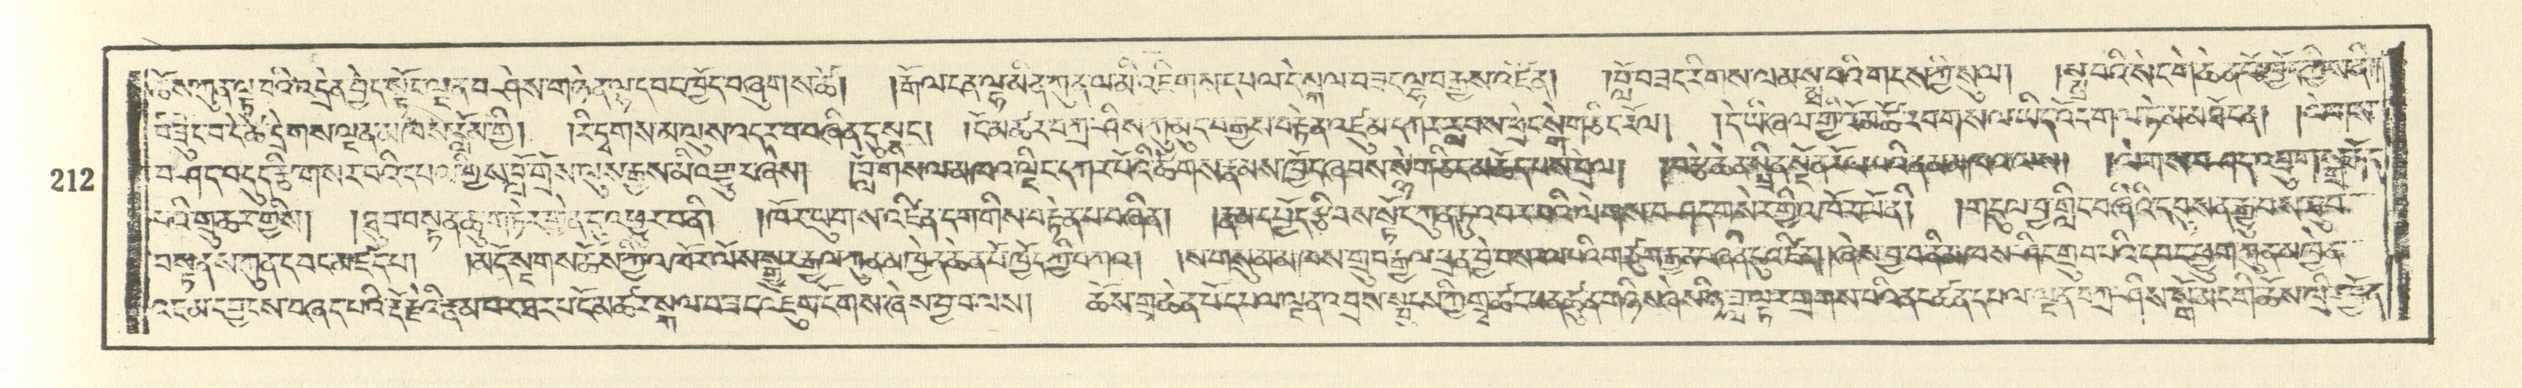ཆོས་ཀུན་ལྟ་བའི་འདྲེན་བྱེད་སྟོང་ལྡན་བཤེས་གཉེན་ལྷ་དབང་ཁྱོད་བཞུགས་ཚེ། །རྒོལ་དན་ལྷ་མིན་ཀུན་ལ་མི་འཇིགས་དཔལ་དེ་སྐལ་བཟང་ལྷ་བརྒྱས་འཛིན། །བློ་བཟང་རིགས་ལམ་སྨྲ་བའི་གངས་ཀྱི་སུལ། །སྨྲ་པའི་སེང་གེ་ཆེན་པོ་ཁྱོད་ཀྱིས་ནི། །
བཟུང་བ་དེ་ཚེ་དྲེགས་ལྡན་མཁས་རློམ་གྱི། །རི་དྭགས་མ་ལུས་འདར་བ་བཞིན་དུ་སྣང་། །ངོ་མཚར་བཀྲ་ཤིས་ཀུ་མུད་བརྒྱས་བརྟེན་འཛུམ་དཀར་རླབས་ཕྲེང་སྒེག་ཅིང་རོལ། །དེ་ཡི་ཞལ་གྱི་འོ་མཚོ་རབ་གསལ་ཡིད་འོང་གལ་ཏེ་མ་མཐོང་ན། །ལེགས་
བཤད་བདུད་རྩི་གསར་བའི་དཔལ་གྱིས་བློ་གྲོས་ལུས་རྒྱས་མི་འགྱུར་ཞེས། །བློ་གསལ་མཁའ་ལྡིང་དཀར་པོའི་ཚོགས་རྣམས་ཁྱོད་ཞབས་སྙིག་ཅིང་མཆོད་པས་བྲོལ། །བརྩེ་ཆེན་སྤྲིན་སྔོན་རོལ་པའི་ནམ་མཁའ་ལས། །ལེགས་བཤད་འབྲུག་སྒྲ་རྒོད་
པའི་གྲུ་ཆར་གྱིས། །ཐུབ་བསྟན་ཆུ་གཏེར་གྱེན་དུ་འཕྱུར་བ་ནི། །ཁོར་ཡུགས་འཛིན་དག་གིས་བརྟེན་པ་བཞིན། །རྣམ་དཔྱོད་རྩིབས་སྟོང་ཀུན་ཏུ་འབར་བའི་ལེགས་བཤད་གསེར་གྱི་འཁོར་ལོ་ནི། །གདུལ་བྱ་གླིང་བཞིའི་དབུས་ན་རྒྱུ་བས་ཐུབ་
བསྟན་ནས་ཀུན་དབང་མཛད་པ། །མདོ་སྔགས་ཆོས་ཀྱི་འཁོར་ལོས་སྒྱུར་རྒྱལ་ཀུན་མཁྱེན་ཆེན་པོ་ཁྱོད་ཀྱི་བཀའ། །ས་གསུམ་མཁས་གྲུབ་རྒྱལ་ཕྲན་བྱེ་བས་རལ་བའི་གཙུག་རྒྱན་བཞིན་དུ་འཛིན། །ཞེས་བྱ་བ་ནི་མཁས་ཤིང་གྲུབ་པའི་དབང་ཕྱུག་ཀུན་མཁྱེན་
འཇམ་དབྱངས་བཞད་པའི་རྡོ་རྗེའི་རྣམ་པར་ཐར་པ་ངོ་མཚར་སྐལ་བཟང་འཇུག་ངོགས་ཞེས་བྱ་བ་ལས། ཆོས་གྲྭ་ཆེན་པོ་དཔལ་ལྡན་འབྲས་སྤུངས་ཀྱི་གྲྭ་ཚང་ཕན་ཚུན་གཉིས་ཞེས་ཉི་ཟླ་ལྟར་གྲགས་པའི་ནང་ཚན་དཔལ་ལྡན་བཀྲ་ཤིས་སྒོ་མང་གི་ཆོས་ཁྲིར་བྱོན་